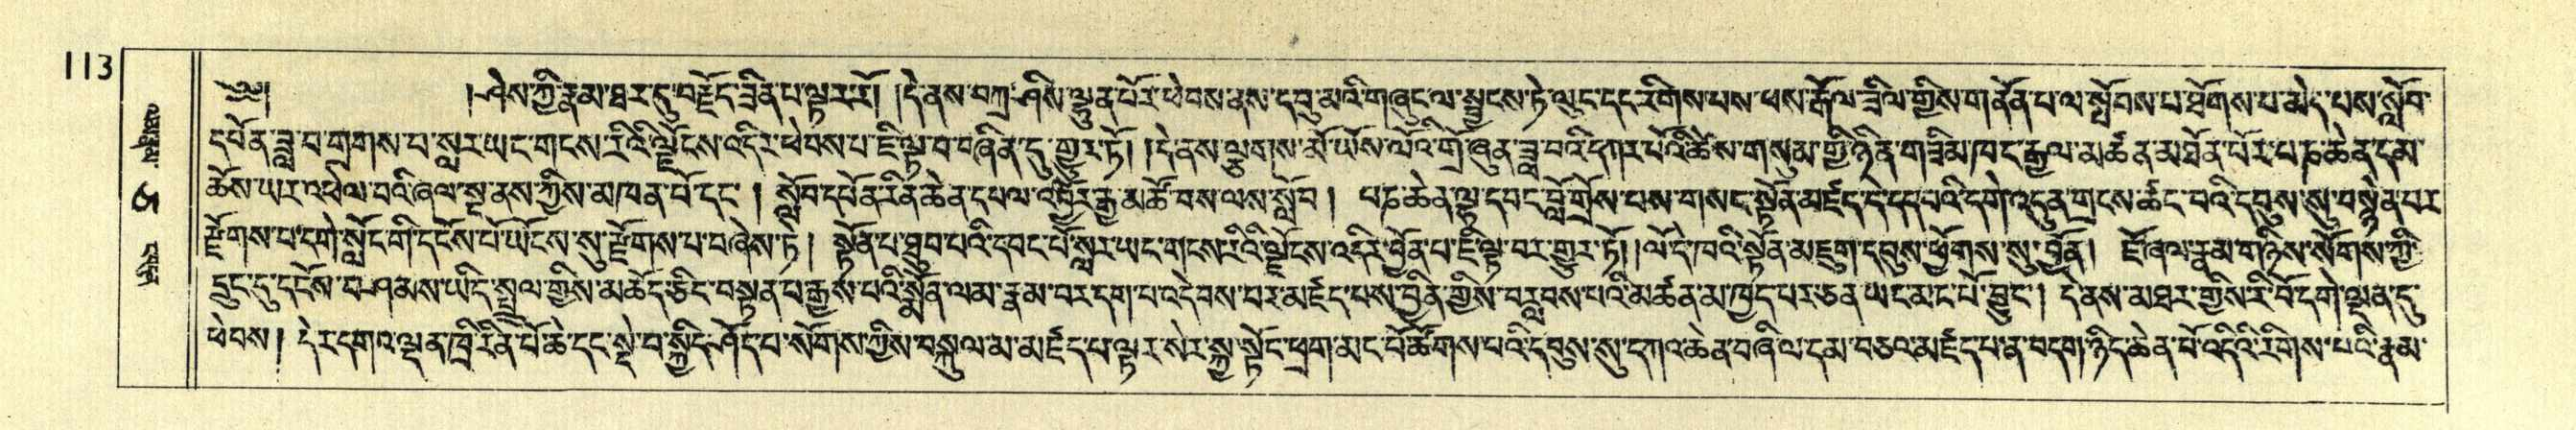༄༅། །ཤེས་ཀྱི་རྣམ་ཐར་དུ་བརྗོད་ཟིན་པ་ལྟར་རོ། །དེ་ནས་བཀྲ་ཤིས་ལྷུན་པོར་ཕེབས་ནས་དབུ་མའི་གཞུང་ལ་སྦྱངས་ཏེ་ལུང་དང་རིགས་པས་ཕས་རྒོལ་ཟིལ་གྱིས་གནོན་པ་ལ་སྤོབས་པ་ཐོགས་པ་མེད་པས་སློབ་
དཔོན་ཟླ་བ་གྲགས་པ་སླར་ཡང་གངས་རིའི་ལྗོངས་འདིར་ཕེབས་པ་ཇི་ལྟ་བ་བཞིན་དུ་གྱུར་ཏོ། །དེ་ནས་ལྕགས་མོ་ཡོས་ལོའི་གྲོ་ཞུན་ཟླ་བའི་དཀར་པོའི་ཚེས་གསུམ་གྱི་ཉིན་གཟིམ་ཁང་རྒྱལ་མཚན་མཐོན་པོར་པཎ་ཆེན་དམ་
ཆོས་ཡར་འཕེལ་བའི་ཞལ་སྔ་ནས་ཀྱིས་མཁན་པོ་དང་། སློབ་དཔོན་རིན་ཆེན་དཔལ་འབྱོར་རྒྱ་མཚོ་བས་ལས་སློབ། པཎ་ཆེན་ལྷ་དབང་བློ་གྲོས་པས་གསང་སྟོན་མཛད་དེ་དད་པའི་དགེ་འདུན་གྲངས་ཚང་བའི་དབུས་སུ་བསྙེན་པར་
རྫོགས་པ་དགེ་སློང་གི་དངོས་པོ་ཡོངས་སུ་རྫོགས་པ་བཞེས་ཏེ། སྟོན་པ་ཐུབ་པའི་དབང་པོ་སླར་ཡང་གངས་རིའི་ལྗོངས་འདིར་བྱོན་པ་ཇི་ལྟ་བར་གྱུར་ཏོ། །ལོ་དེ་ཁའི་སྟོན་མཇུག་དབུས་ཕྱོགས་སུ་བྱོན། ཇོ་ཞལ་རྣམ་གཉིས་སོགས་ཀྱི་
དྲུང་དུ་དངོས་བཤམས་ཡིད་སྤྲུལ་གྱིས་མཆོད་ཅིང་བསྟན་པ་རྒྱས་པའི་སྨོན་ལམ་རྣམ་པར་དག་པ་འདེབས་པར་མཛད་པས་བྱིན་གྱིས་བརླབས་པའི་མཚན་མ་ཁྱད་པར་ཅན་ཡང་མང་པོ་བྱུང་། དེ་ནས་མཐར་གྱིས་རི་བོ་དགེ་ལྡན་དུ་
ཕེབས། དེར་དགའ་ལྡན་ཁྲི་རིན་པོ་ཆེ་དང་སྡེ་པ་སྐྱིད་ཤོད་པ་སོགས་ཀྱིས་བསྐུལ་མ་མཛད་པ་ལྟར་སེར་སྐྱ་སྟོང་ཕྲག་མང་པོ་ཚོགས་པའི་དབུས་སུ་དཀའ་ཆེན་བཞི་ལ་དམ་བཅའ་མཛད་པ་ན་བདག་ཉིད་ཆེན་པོ་འདིའི་རིགས་པའི་རྣམ་